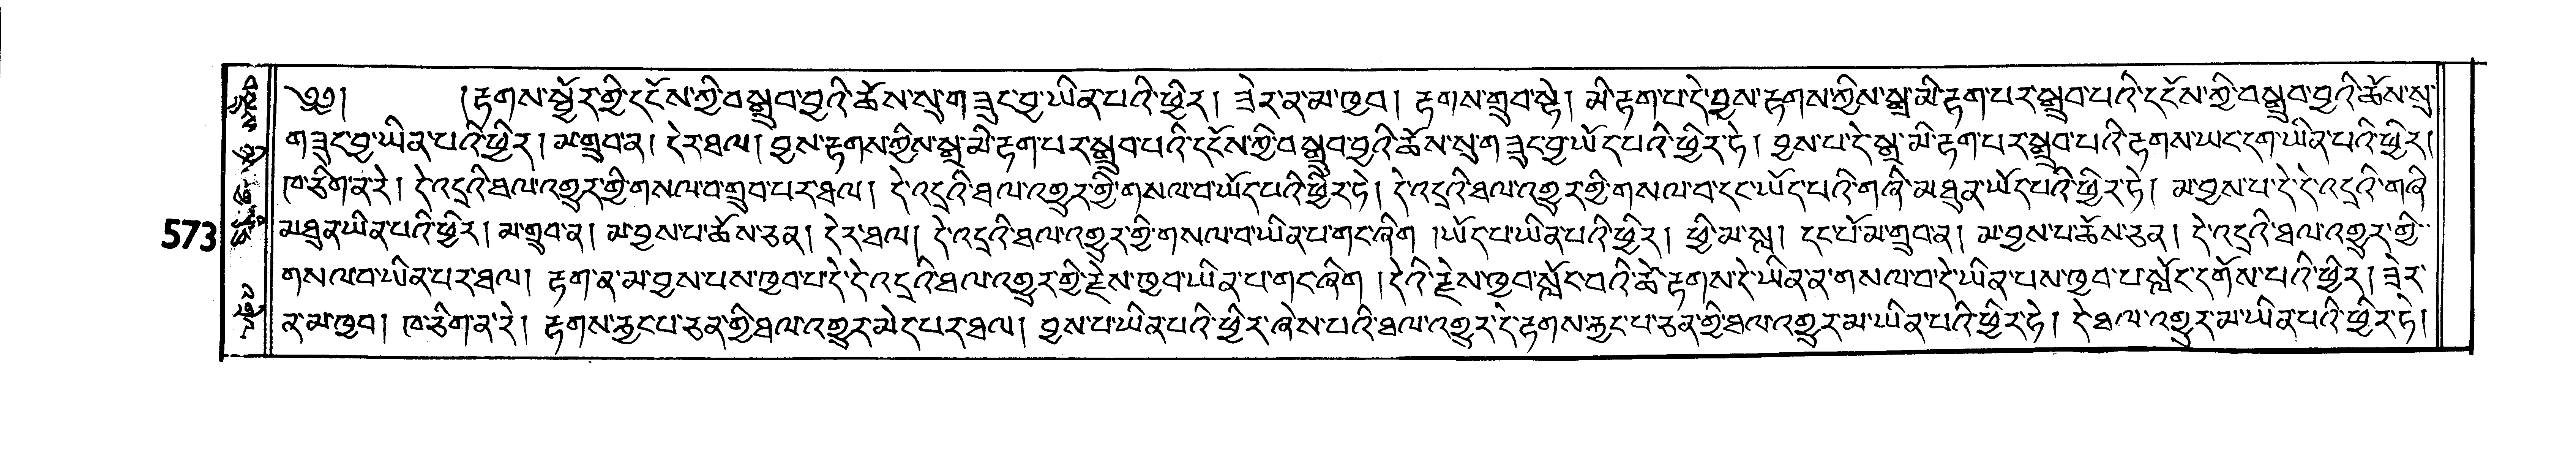༄༅། །རྟགས་སྦྱོར་གྱི་དངོས་ཀྱི་བསྒྲུབ་བྱའི་ཆོས་སུ་གཟུང་བྱ་ཡིན་པའི་ཕྱིར། ཟེར་ན་མ་ཁྱབ། རྟགས་གྲུབ་སྟེ། མི་རྟག་པ་དེ་བྱས་རྟགས་ཀྱིས་སྒྲ་མི་རྟག་པར་སྒྲུབ་པའི་དངོས་ཀྱི་བསྒྲུབ་བྱའི་ཆོས་སུ་
གཟུང་བྱ་ཡིན་པའི་ཕྱིར། མ་གྲུབ་ན། དེར་ཐལ། བྱས་རྟགས་ཀྱིས་སྒྲ་མི་རྟག་པར་སྒྲུབ་པའི་དངོས་ཀྱི་བསྒྲུབ་བྱའི་ཆོས་སུ་གཟུང་བྱ་ཡོད་པའི་ཕྱིར་ཏེ། བྱས་པ་དེ་སྒྲ་མི་རྟག་པར་སྒྲུབ་པའི་རྟགས་ཡང་དག་ཡིན་པའི་ཕྱིར།
ཁ་ཅིག་ན་རེ། དེ་འདྲའི་ཐལ་འགྱུར་གྱི་གསལ་བ་གྲུབ་པར་ཐལ། དེ་འདྲའི་ཐལ་འགྱུར་གྱི་གསལ་བ་ཡོད་པའི་ཕྱིར་ཏེ། དེ་འདྲའི་ཐལ་འགྱུར་གྱི་གསལ་བ་དང་ཡོད་པའི་གཞི་མཐུན་ཡོད་པའི་ཕྱིར་ཏེ། མ་བྱས་པ་དེ་དེ་འདྲའི་གཞི་
མཐུན་ཡིན་པའི་ཕྱིར། མ་གྲུབ་ན། མ་བྱས་པ་ཆོས་ཅན། དེར་ཐལ། དེ་འདྲའི་ཐལ་འགྱུར་གྱི་གསལ་བ་ཡིན་པ་གང་ཞིག །ཡོད་པ་ཡིན་པའི་ཕྱིར། ཕྱི་མ་སླ། དང་པོ་མ་གྲུབ་ན། མ་བྱས་པ་ཆོས་ཅན། དེ་འདྲའི་ཐལ་འགྱུར་གྱི་
གསལ་བ་ཡིན་པར་ཐལ། རྟག་ན་མ་བྱས་པས་ཁྱབ་པ་དེ་དེ་འདྲའི་ཐལ་འགྱུར་གྱི་རྗེས་ཁྱབ་ཡིན་པ་གང་ཞིག །དེའི་རྗེས་ཁྱབ་སློང་བའི་ཚེ་རྟགས་དེ་ཡིན་ན་གསལ་བ་དེ་ཡིན་པས་ཁྱབ་པ་སློང་དགོས་པའི་ཕྱིར། ཟེར་
ན་མ་ཁྱབ། ཁ་ཅིག་ན་རེ། རྟགས་རྐྱང་པ་ཅན་གྱི་ཐལ་འགྱུར་མེད་པར་ཐལ། བྱས་པ་ཡིན་པའི་ཕྱིར་ཞེས་པའི་ཐལ་འགྱུར་དེ་རྟགས་རྐྱང་པ་ཅན་གྱི་ཐལ་འགྱུར་མ་ཡིན་པའི་ཕྱིར་ཏེ། དེ་ཐལ་འགྱུར་མ་ཡིན་པའི་ཕྱིར་ཏེ།